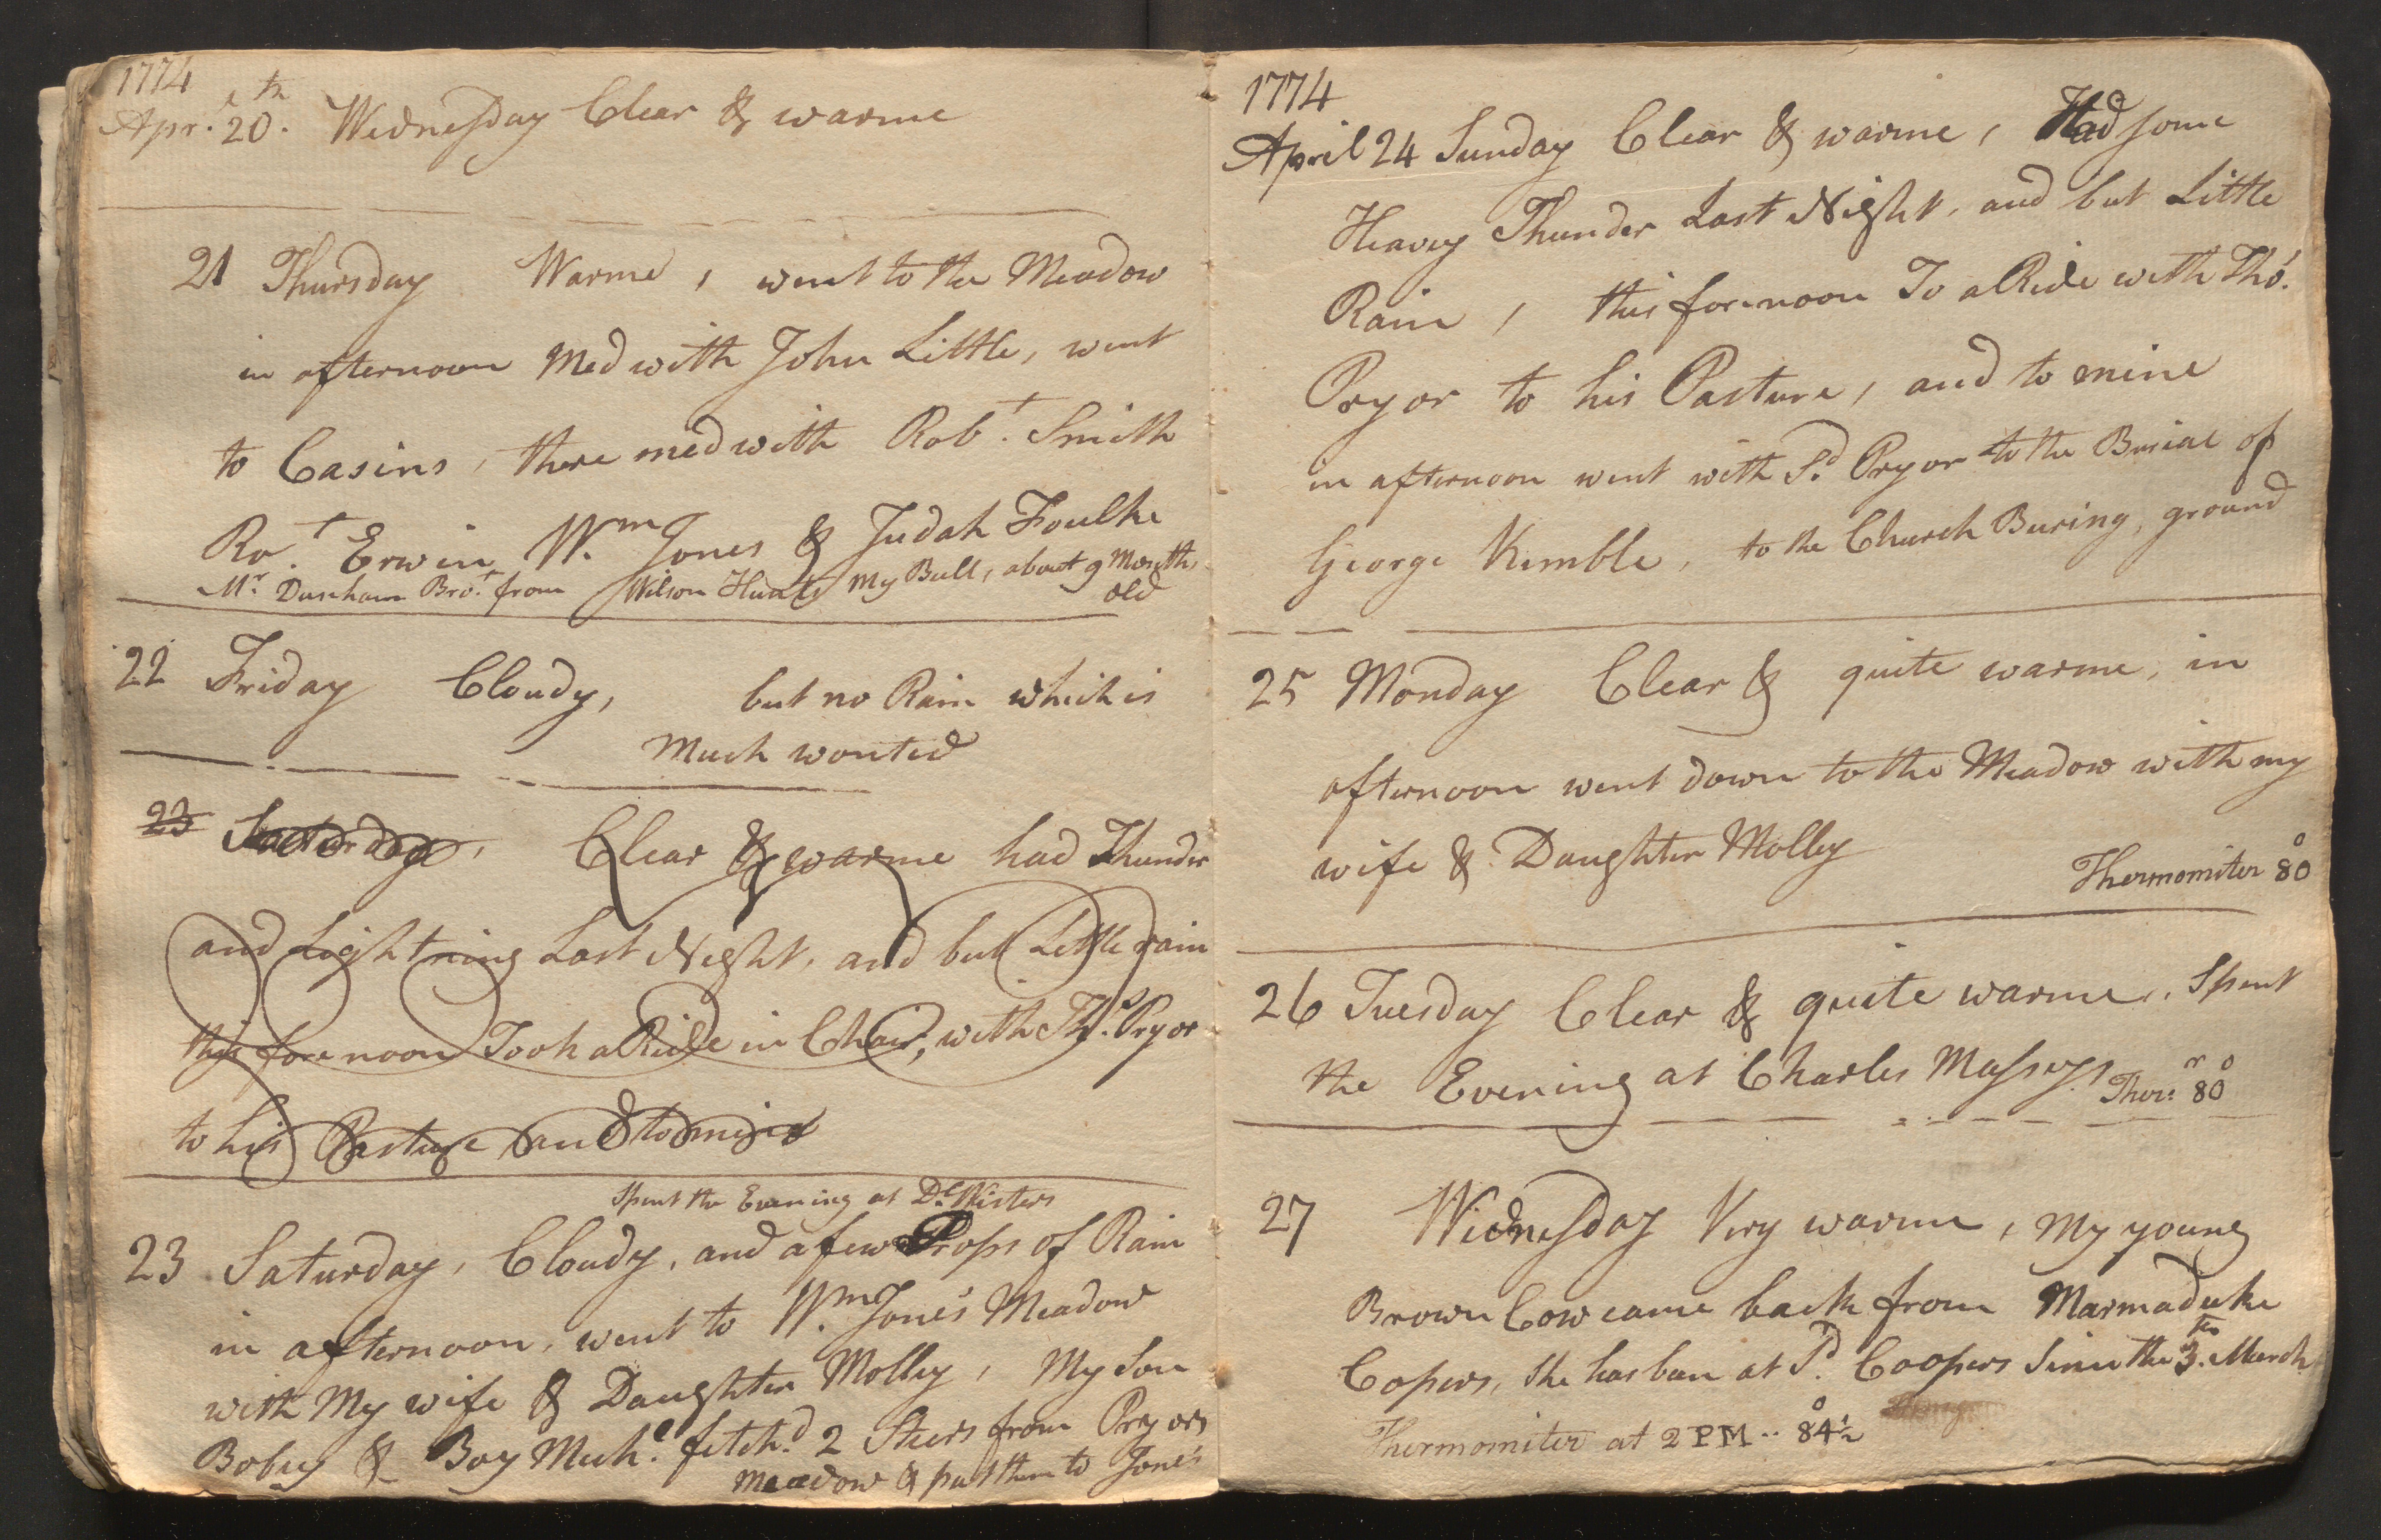1774
Apr^l. 20h. Wednesday Clear & warme
21 Thursday Warme, went to the Meadow
in afternoon Med with John Little, went
to Casins, there med with Rob^t. Smith
Ro^t. Erwin W^m. Jones & Judah Foulke
M^r. Durham Bro^t. from Wilson Hunts My Bull, about 9 Months
old
22 Friday Cloudy,
Mush wanted
but no Rain which is
[23 Saturday]. Clear & warme had Thunder
[and Lightning Last Night, and but Little rain]
[this forenoon Took a Ride in Chair, with Th^s. Pryor]
to his Pasture and to mine
spent the Evening at D^l. Wisters
23 Saturday, Cloudy, and a few Drops of Rain
in afternoon. went to W^m. Jones' Meadow
with My wife & Daughter Molley, My Son
Bobe & Boy Mich^l. fetch^d. 2 steers from Pryors
Meadow & put them to Jone's
April 24 Sunday Clear & warme, Had some
1774
Heavey Thunder Last Night, and but Little
Rain, this forenoon To a Ride with Tho^s.
Pryor to his Pasture, and to mine
in afternoon went with s^d. Pryor to the Burial of
George Kimble, to the Church Buring, ground
25 Monday Clear & quite warme, in
afternoon went down to the Meadow with my
wife & Daughter Molly
Thermomiter 80°
26 Tuesday Clear & quite warme. spent
the Evening at Charles Masseys
Ther^r: 80°
27 Wednesday Very warme, My young
Brown Cow came back from Marmaduke
Copers, she has been at s^d. Coopers Since the 3^th. March
Thermomiter at 2 PM.. 84 1/2°